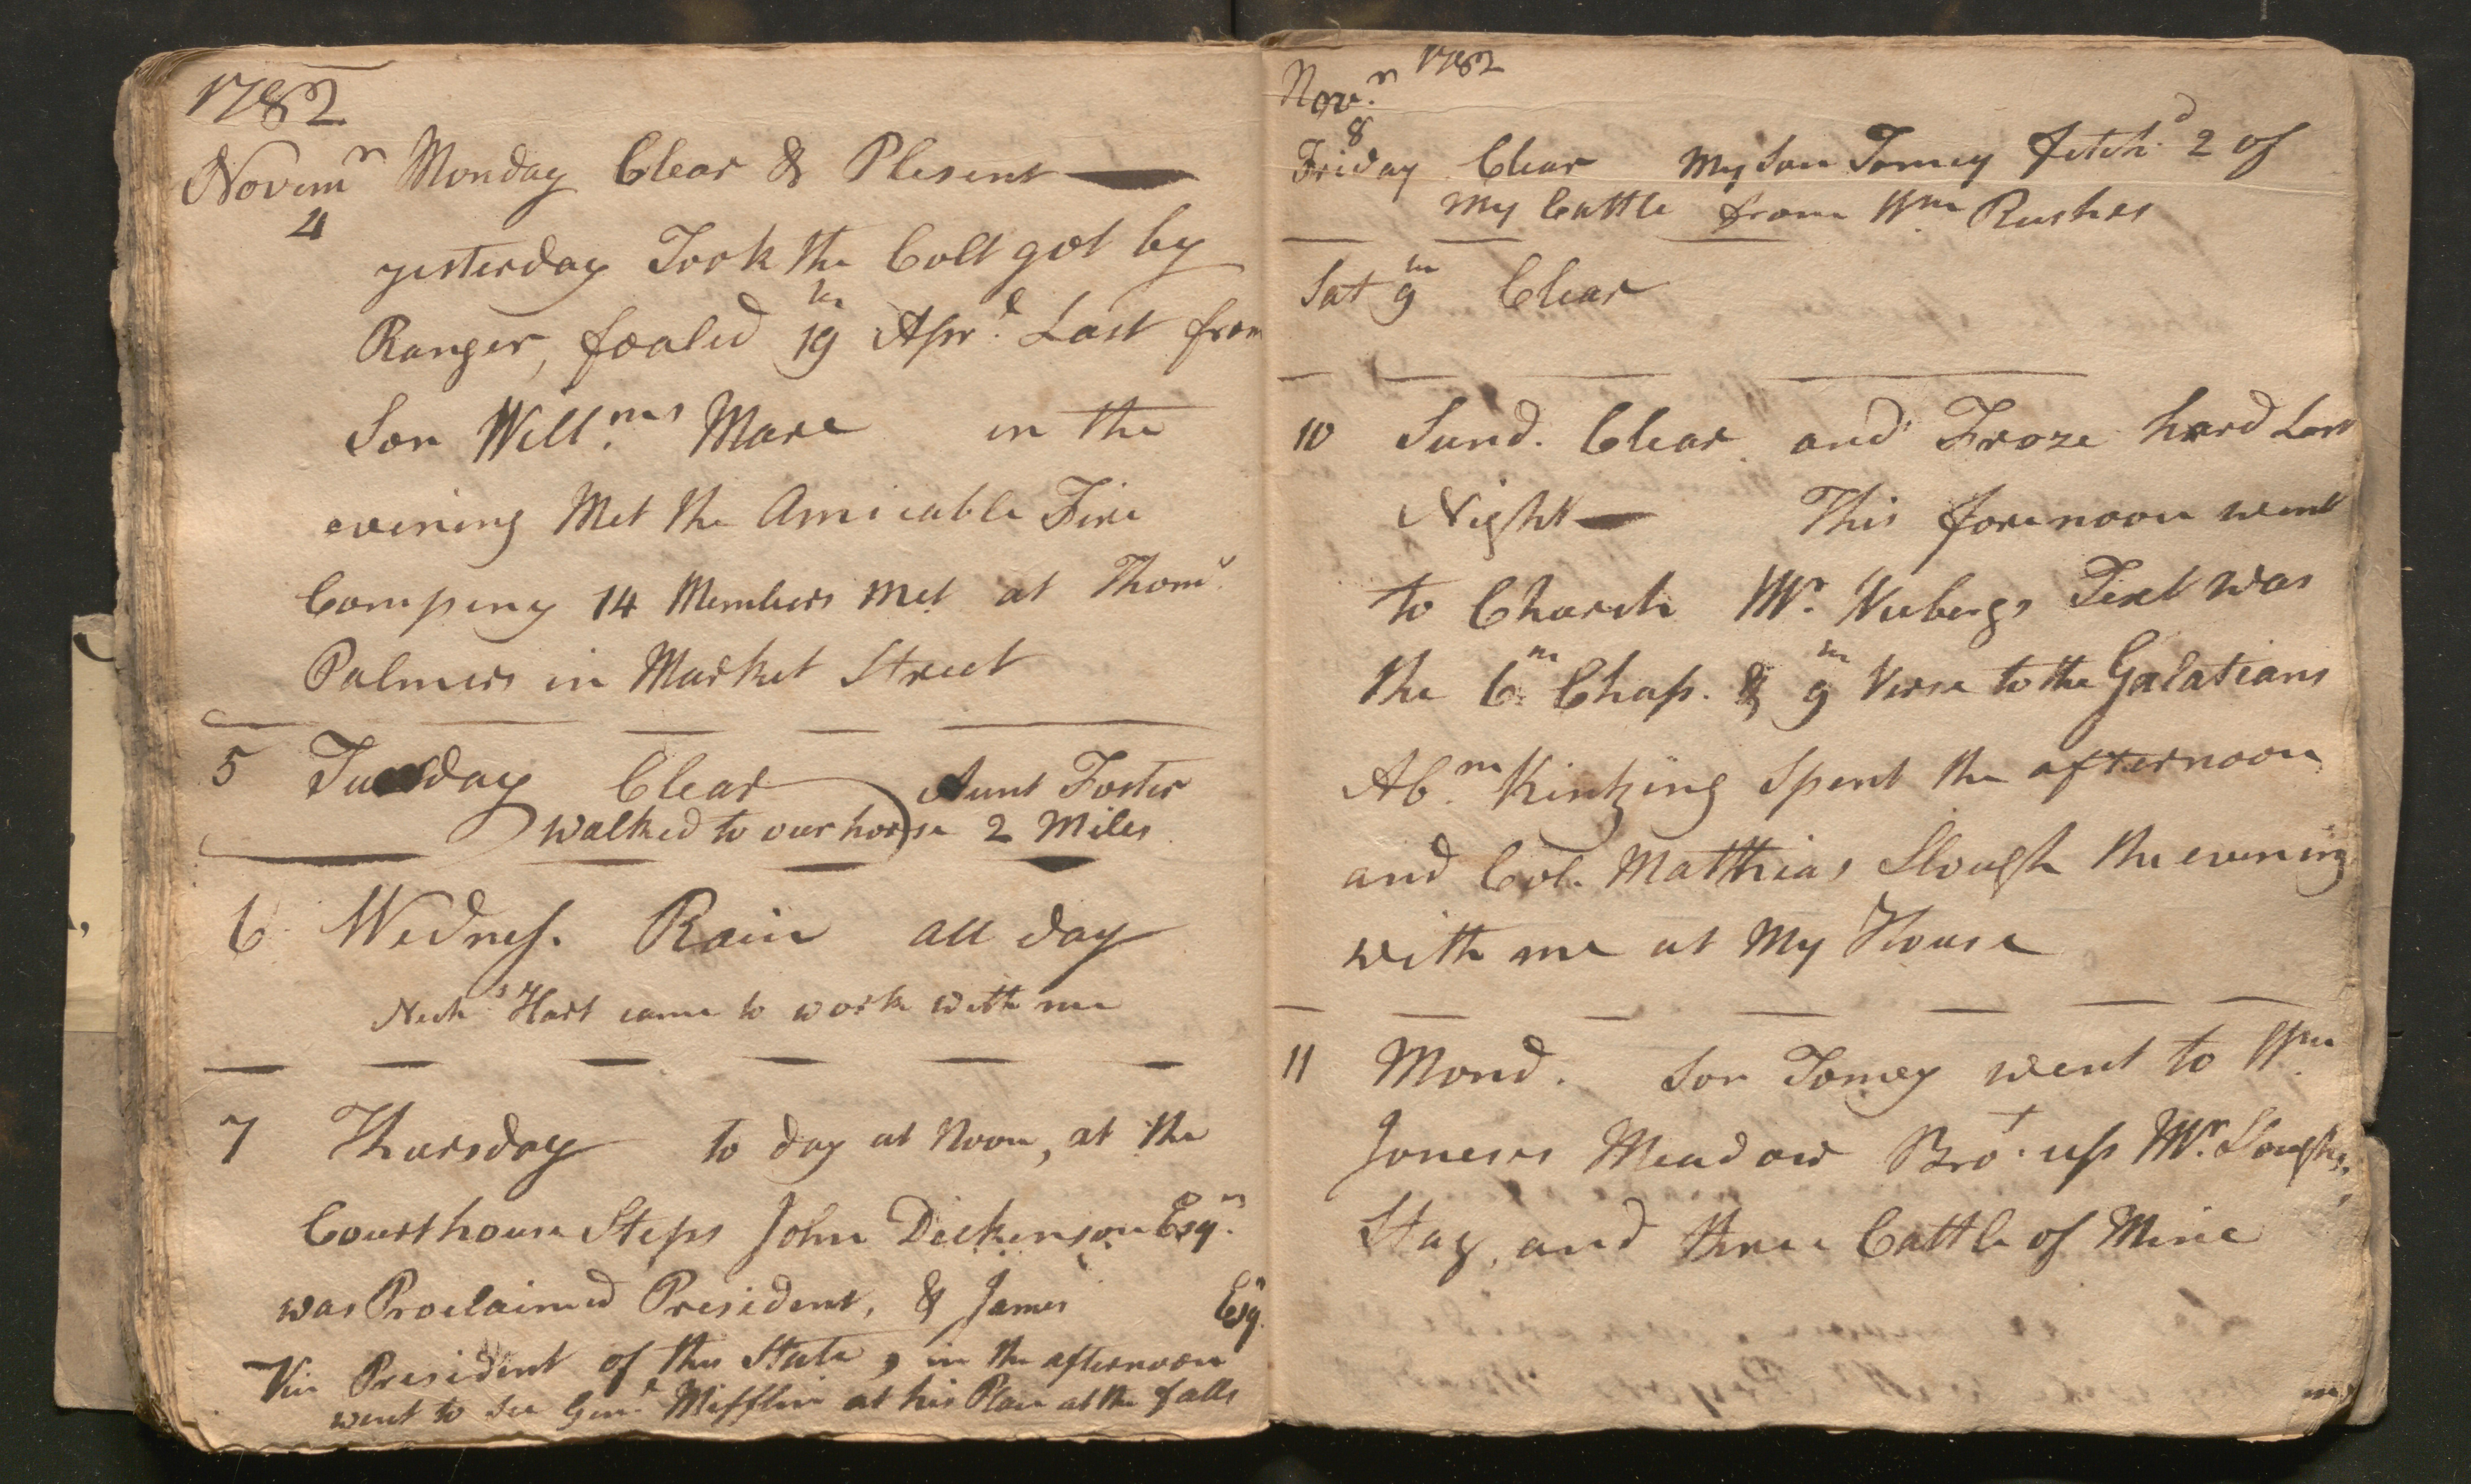1782
Novem^r Monday Clear & Plesent
4
yesterday Took the Colt got by
Ranger, foaled 19^th Apr^l. Last from
Son Will^m. Mare, in the
evening Met the Amicable Fire
Company 14 Members Met at Thom^s.
Palmers in Market Street
5 Tuesday Clear Aunt Foster
walked to our house 2 Miles
6. Wednes. Rain all day
Nich^s. Hart came to work with me
7 Thursday to day at noon at the
Courthoure Steps John Dickinson Esq^r.
was Proclaimed President, & James
Vice President of this State, in the afternoon
went to see Gen^l. Mifflin at his Plan at the falls
1782
Nov^r.
8
Friday Clear My Son Tomey fetch^d 2 of
My Cattle from W^m. Rushes
Sat 9^th Clear
10 Sund. Clear and Froze hard Lost
Night- This forenoon went
to Church M^r. Weibergs Text was
the 6^th. Chap. & 9^th Verse to the Galatians
Ab^m. Kintzing spent the afternoon
and Col. Matthias Slough the evening
with me at My House
11 Mond. Son Tomey went to W^m.
Joneses Meadow Bro^t. up M^r. Sloughs
Hay, and three Cattle of Mine